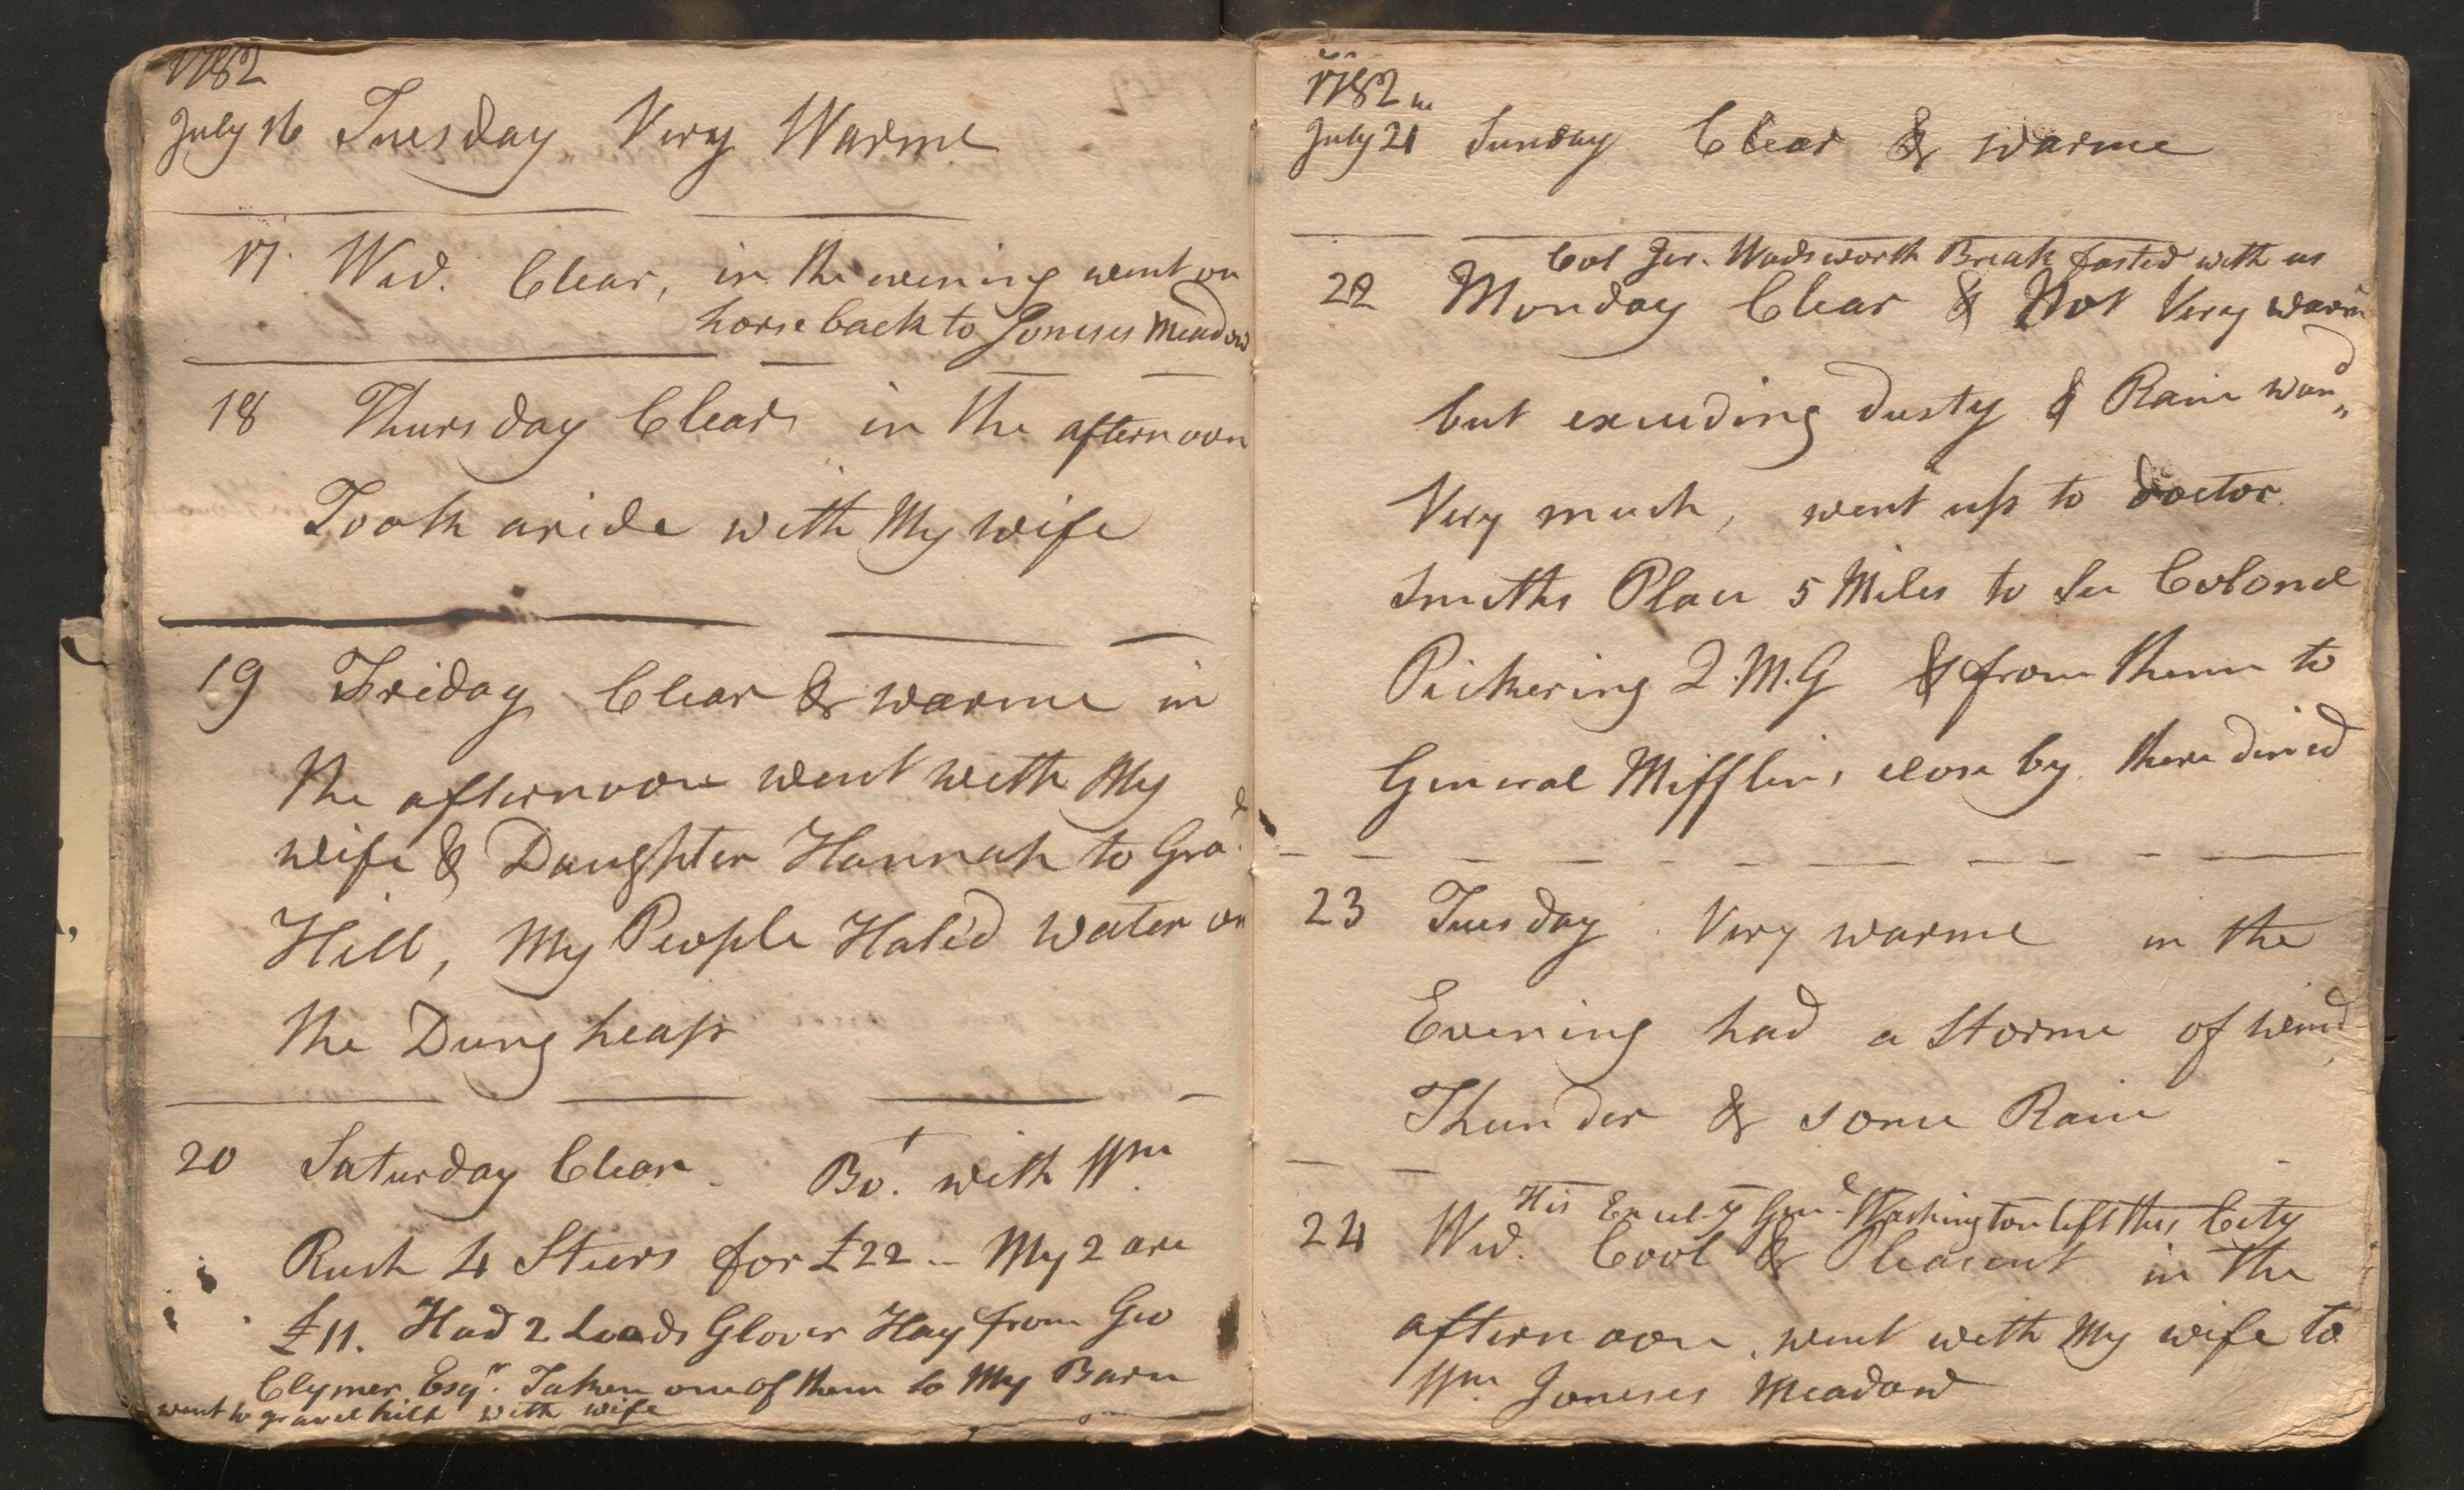1782
July 16 Tuesday Very Warme
17. Wed. Clear, in the evening went on
horse back to Joneses Meadow
18 Thursday Clear in the afternoon
Took a ride with My wife
19 Friday. Clear & warme in
the afternoon went with My
wife & Daughter Hannah to Gra^l.
Hill, My People Hale'd Water on
the Dung heap
20 Saturday Clear. Bo^t. with W^m.
Rush 4 Steers for £22.- My 2 are
£11. Had 2 Loads Glover Hay from Geo
Clymer Esq^r. Taken one of them to My Barn
went to gravel hill with wife
1782
July 21^th Sunday Clear & Warme
Col Jer. Wadsworth Breakfasted with us
22 Monday Clear & Not Very warm
but exceeding dusty, & Rain wan^d
Very much, went up to doctor
Smiths Place 5 Miles to See Colonel
Pickering QMG & from thence to
General Mifflin, close by there dined
23 Tuesday. Very warme in the
Evening had a Storme of wind
Thunder & some Rain
His Excel^y. Gen^l. Washington left this City
24 Wed. Cool & Pleasent in the
afternoon. went with My wife to
M^r. Joneses Meadow